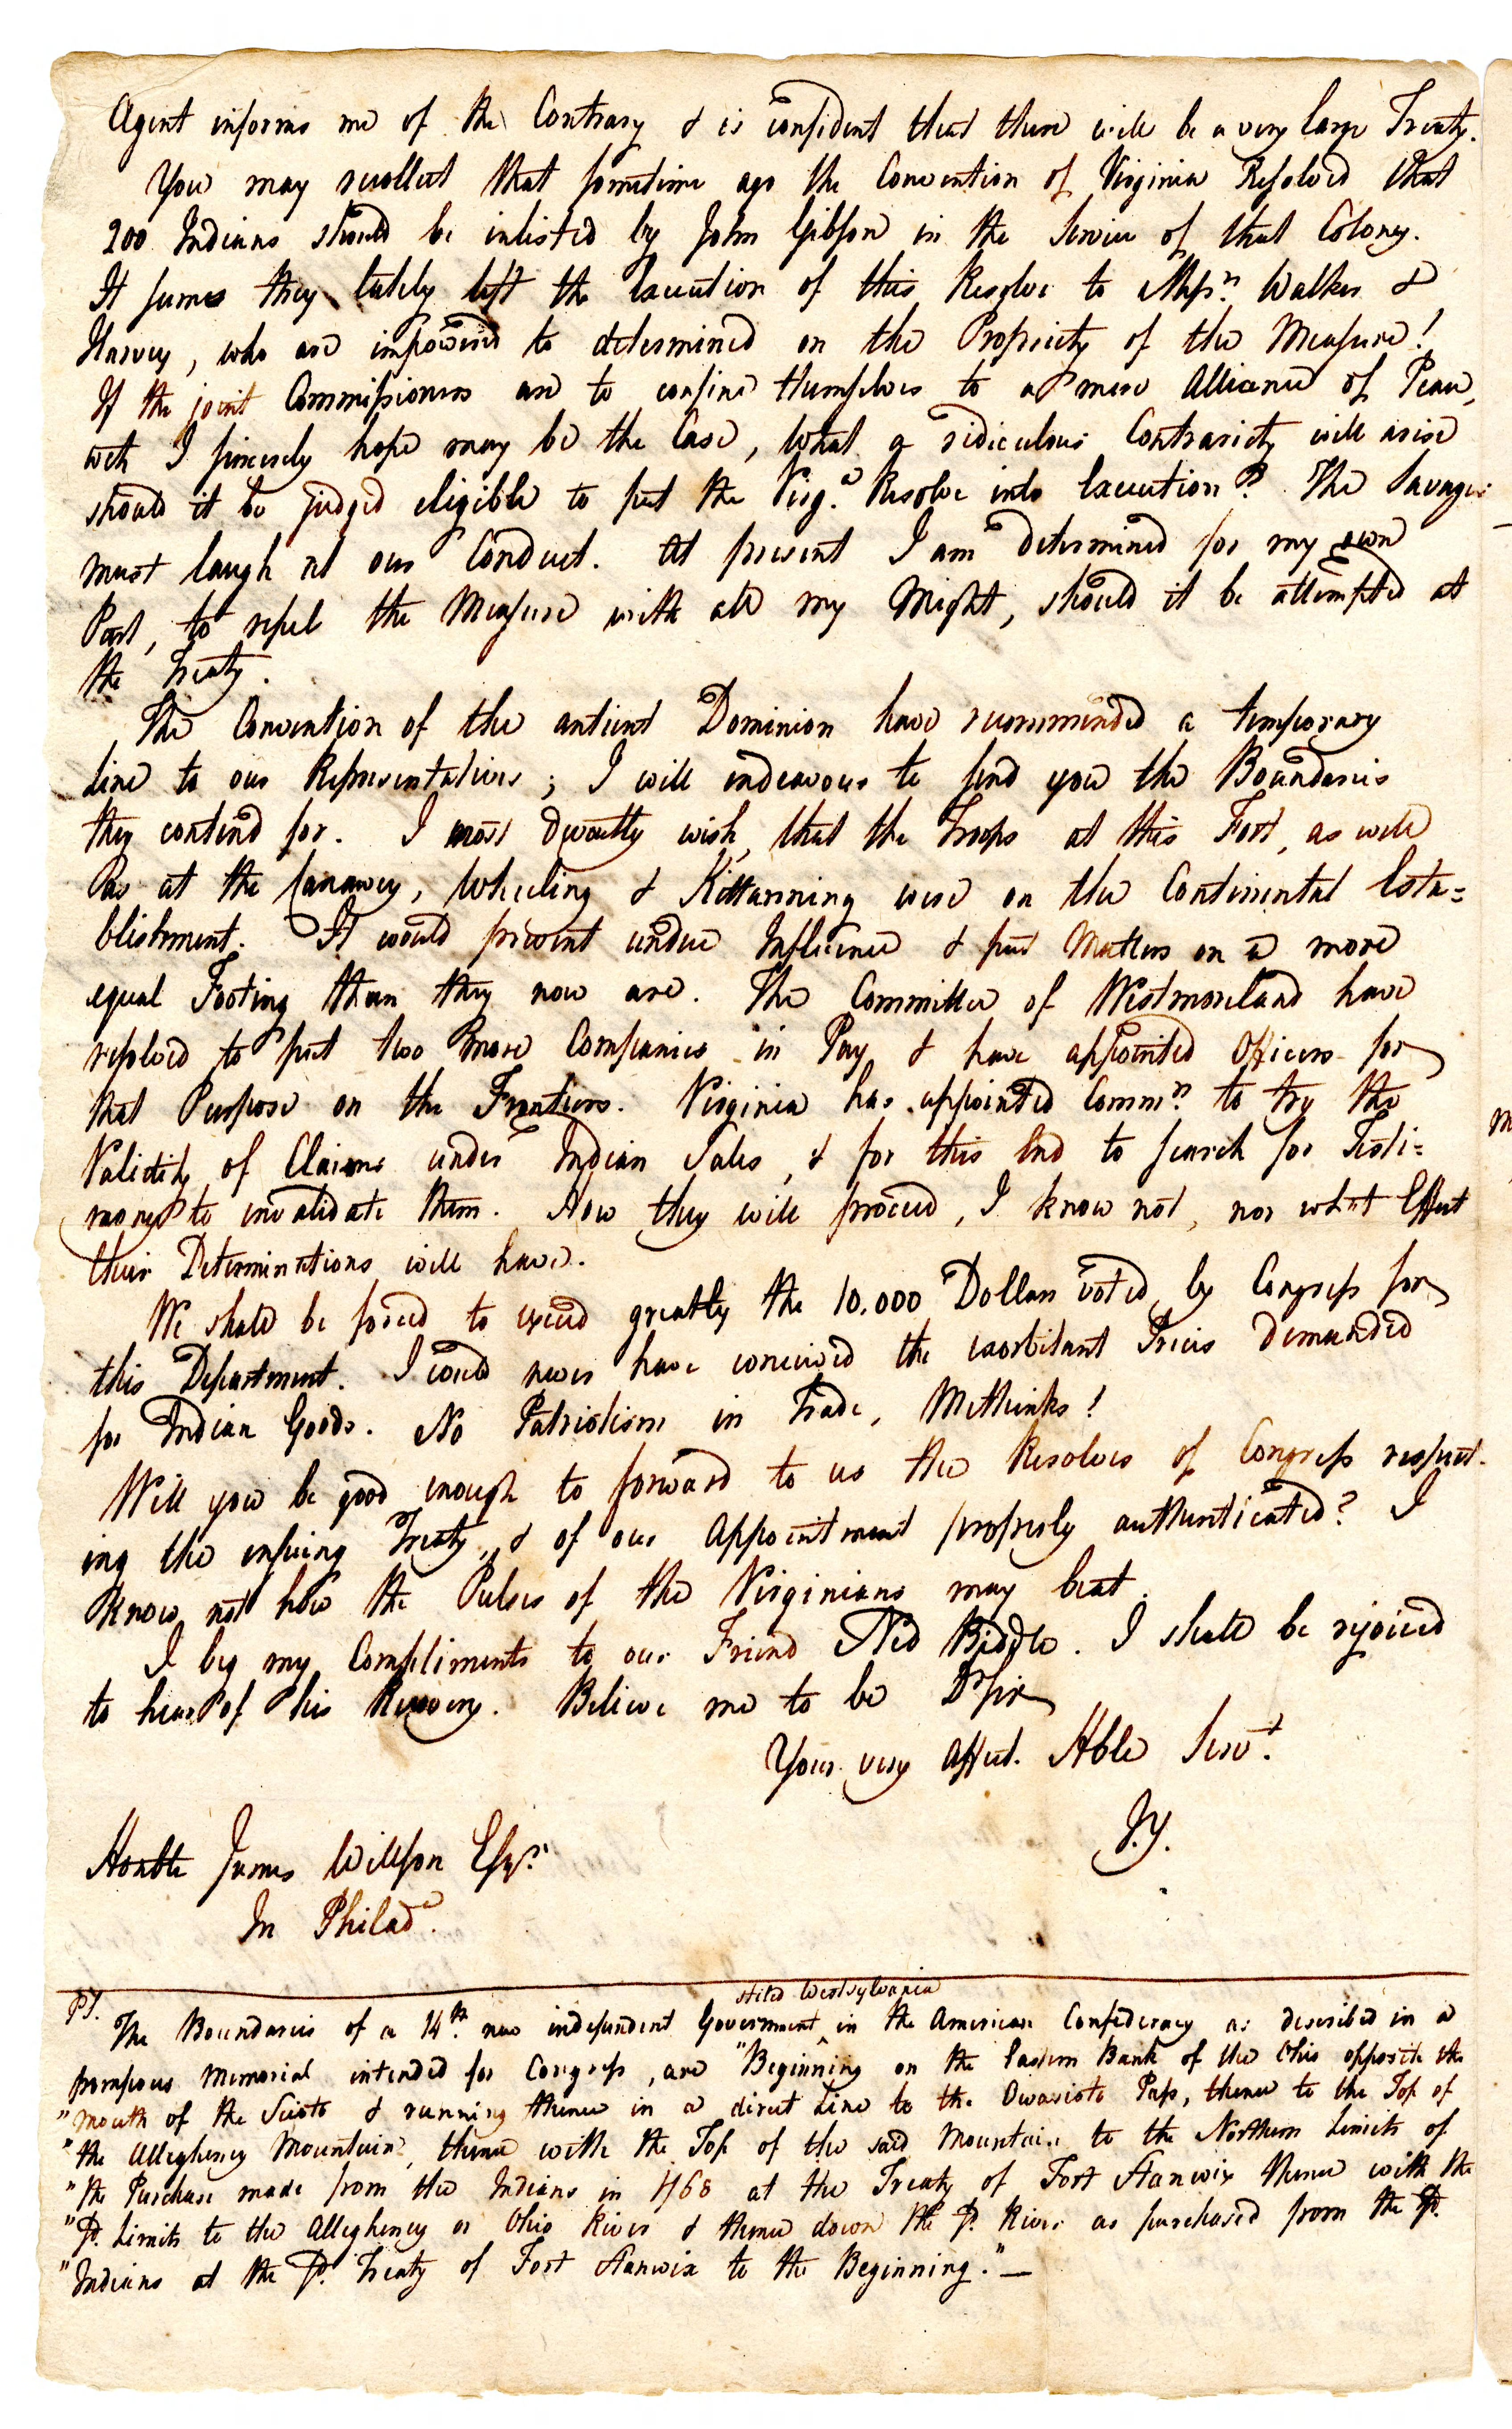Agent informs me of the Contrary & is confident that there will be a very large Treaty.
You may recollect that sometime ago the Convention of Virginia Resolved that
200 Indians should be inlisted by John Gibson in the Service of that Colony.
It seems they lately left the Execution of this Resolve to Maj^rs. Walker &
Harvey, who are impowered to determined on the Propriety of the Measure!
If the joint Commissioners are to confine themselves to a mere alliance of Penn,
wch I sincerely hope may be the Case, what a ridiculous Contrarity will arise
should it be judged eligible to put the Virg^a. Resolve into Execution? The Savages
must laugh at our Conduct. At present I am determined for my own
Part, to repel the Miasuse with all my Might, should it be attempted at
the Treaty.
The Convention of the antient Dominion have recommended a temporary
Line to our Representations; I will endeavour to find you the Boundaries
they contend for. I most devoutly wish that the Troops at this Fort, as well
as at the Canaway, Wheeling & Kittanning were in the Continental Esta-
blishment. It would prevent undue Influence & put Matters on a more
equal Footing than they now are. The Committee of Westmoreland have
resolved to put two more Companies in Pay & have appointed Officers for
that Purpose on the Frontiers. Virginia has appointed Comm^rs. to try the
Validity of Claims under Indian Sales, & for this End to search for Testi-
mony to invalidate them. How they will proceed, I know not, nor what Effect
their Determinations will have.
We shall be forced to exceed greatly the 10,000 Dollars voted by Congress for
this Department. I could never have conceived the exorbitant Prices demanded
for Indian Goods. No Patriotism in Trade, Methinks!
Will you be good enough to forward to us the Resolves of Congress respect-
ing the ensuing Treaty, & of our appointment properly authenticated? I
know not how the Pulses of the Virginians may beat.
I beg my Compliments to our Friend Ned Riddle. I shall be rejoiced
to hear of his Recovery. Believe me to be D^r Sir
Honble James Willson Esq^r.
In Philad^a.
Your very affect. Hble Serv^t.
J.Y.
stiled Westsylvania
PS.
The Boundaries of a 14^th. now independent Government ^ in the American Confederacy as described in a
pompous memorial intended for Congress, are "Beginning on the Eastern Bank of the Ohio opposite the
"Mouth of the Scioto & running thence in a direct Line to the Owasioto Pass, then to the Top of
"the Allegheny Mountain, thence with the Top of the said mountain to the Northern Limits of
"the Purchase made from the Indians in 1768 at the Treaty of Fort Stanwix there with the
"p. Limits to the Allegheny or Ohio River & thence down the P. River as purchased from the P.
"Indians at the P. Treaty of Fort Stanwix to the Beginning."-